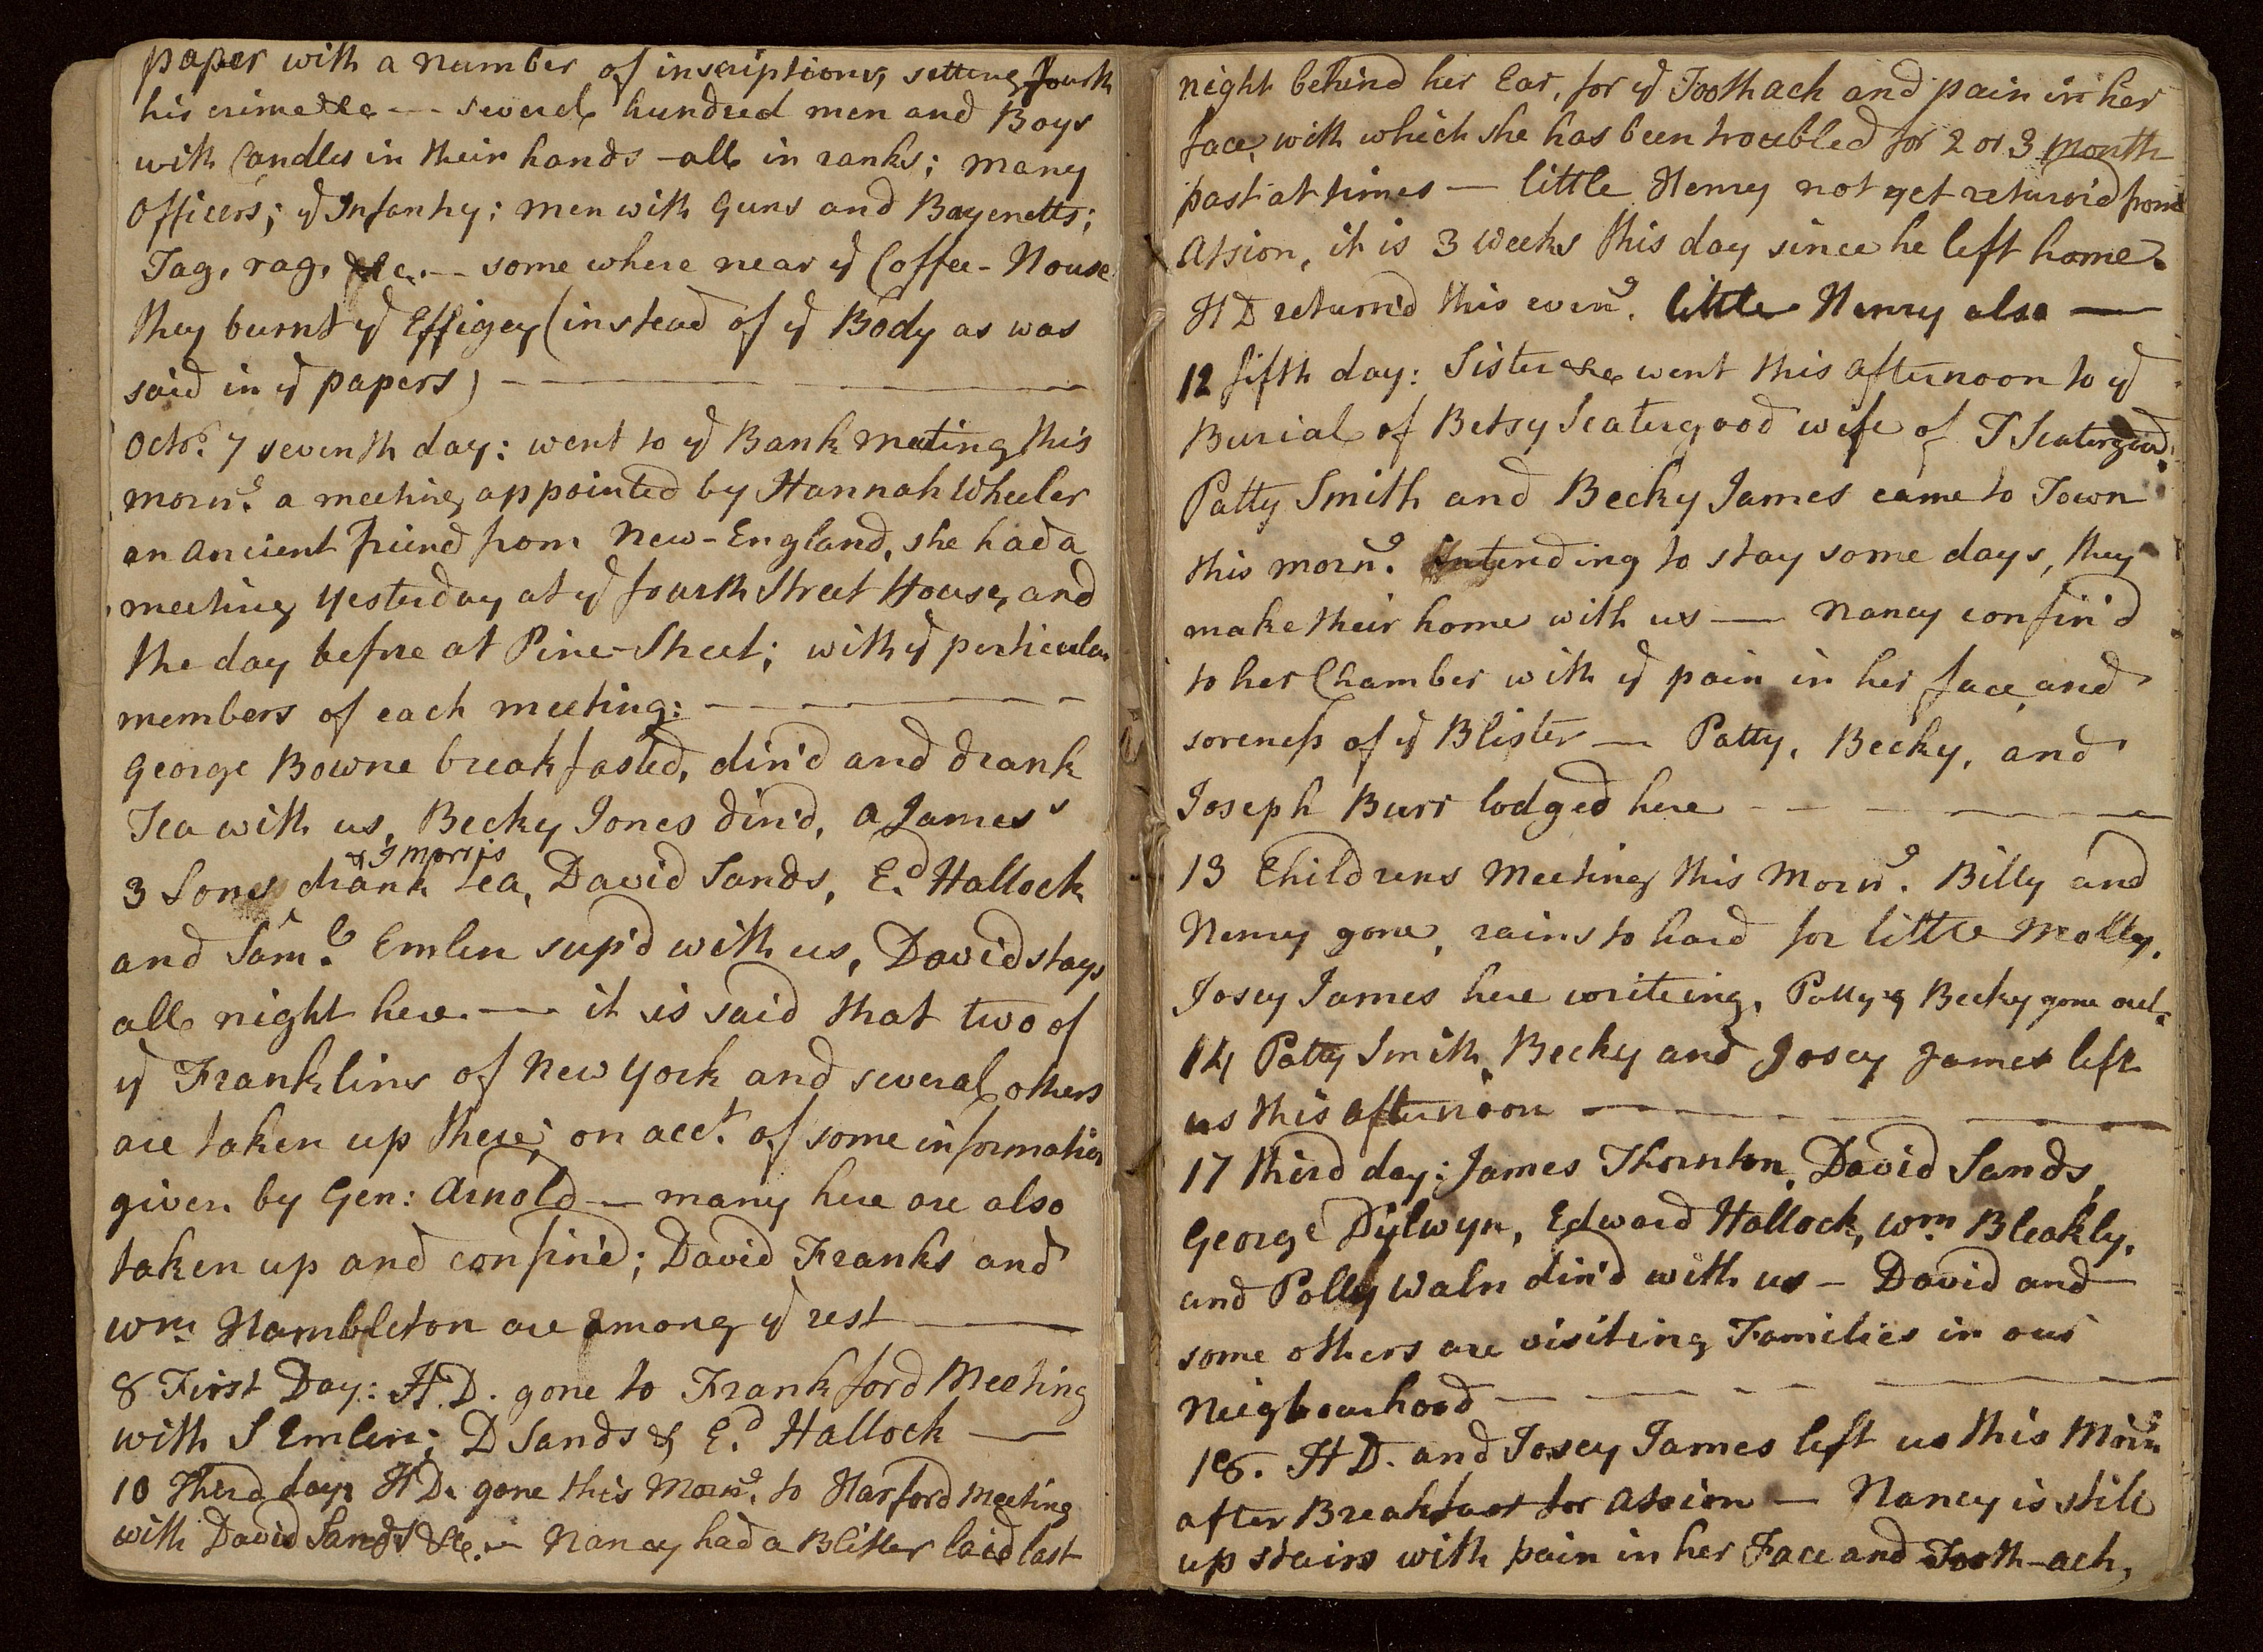paper with a number of inscriptions, setting fourth
his crime &c-- severel hundred men and Boys
with Candles in their hands-all in ranks; many
Officers; y^e Infantry: men with Guns and Bayenetts;
Tag, rag, &c- some where near y^e Coffee- House
they burnt y^e Effigey (instead of y^ Body as was
said in y^e papers)--
Octo^b. 7 seventh day: went to y^e Bank meeting this
morn^g. a meeting appointed by Hannah Wheeler
an Ancient friend from new-England, she had a
meeting Yesterday at y^e fourth Street House, and
the day before at Pine-Street; with y^e particular
members of each meeting:---
George Bowne breakfasted, din'd and drank
Tea with us, Becky J ones din'd, A James^s
& J Morris
3 Sons drank tea, David Sands, E^d Hallock
and Sam.^l Emlen sup'd with us, David stays
all night here.- it is said that two of
y^e Franklins of New York and several others
are taken up these on acc^t. of some information
given by Gen: Arnold-- many here are also
taken up and confin'd; David Frank's and
W^m Hambleton are among y^e rest-
8 First Day: HD gone to Frankford Meeting
with S Emlen; D Sands & E^d Hallock-
10 Third days HD. gone this Morn^g. to Harford meeting
with David Sands &c- Nancy had a Blister laid last
night behind her Ear, for y^e Toothach and pain in her
face, with which she has been troubled for 2 or 3 Month
past at times- little Henry not get return'd [frond]
Assion, it is 3 weeks this day since he left home.
H D return'd this even^g. little Henry also-
12 fifth day: Sister &c went this afternoon to y^e
Burial of Betsy Scatergood wife of T Scatergood
Patty Smith and Becky James came to Town
this morn^g. intending to stay some days, they
make their home with us- Nancy confin'd
to her Chamber with y^e pain in her face, and
soreness of y^e Blister- Patty, Becky, and
Joseph Burr lodged here---
13 Childrens Meeting this Morn^g. Billy and
Namy gone, rains to hard for little Molly,
Josey James here writeing, Patty & Becky gone out,
14 Patty Smith Becky and Josey James lift
us this afternoon-
17 third day: James Thornton, David Sands
George Dylwyn, Edward Hollock, W^m. Bleakly,
and Pollly Waln din'd with us- David and
some others are visiting Families in our
Neigbourhood-
18. HD. and Josey James left us this Morn^g
after Breakfast for Assion- Nancy is still
up stairs with pain in her Face and Tooth-ach,